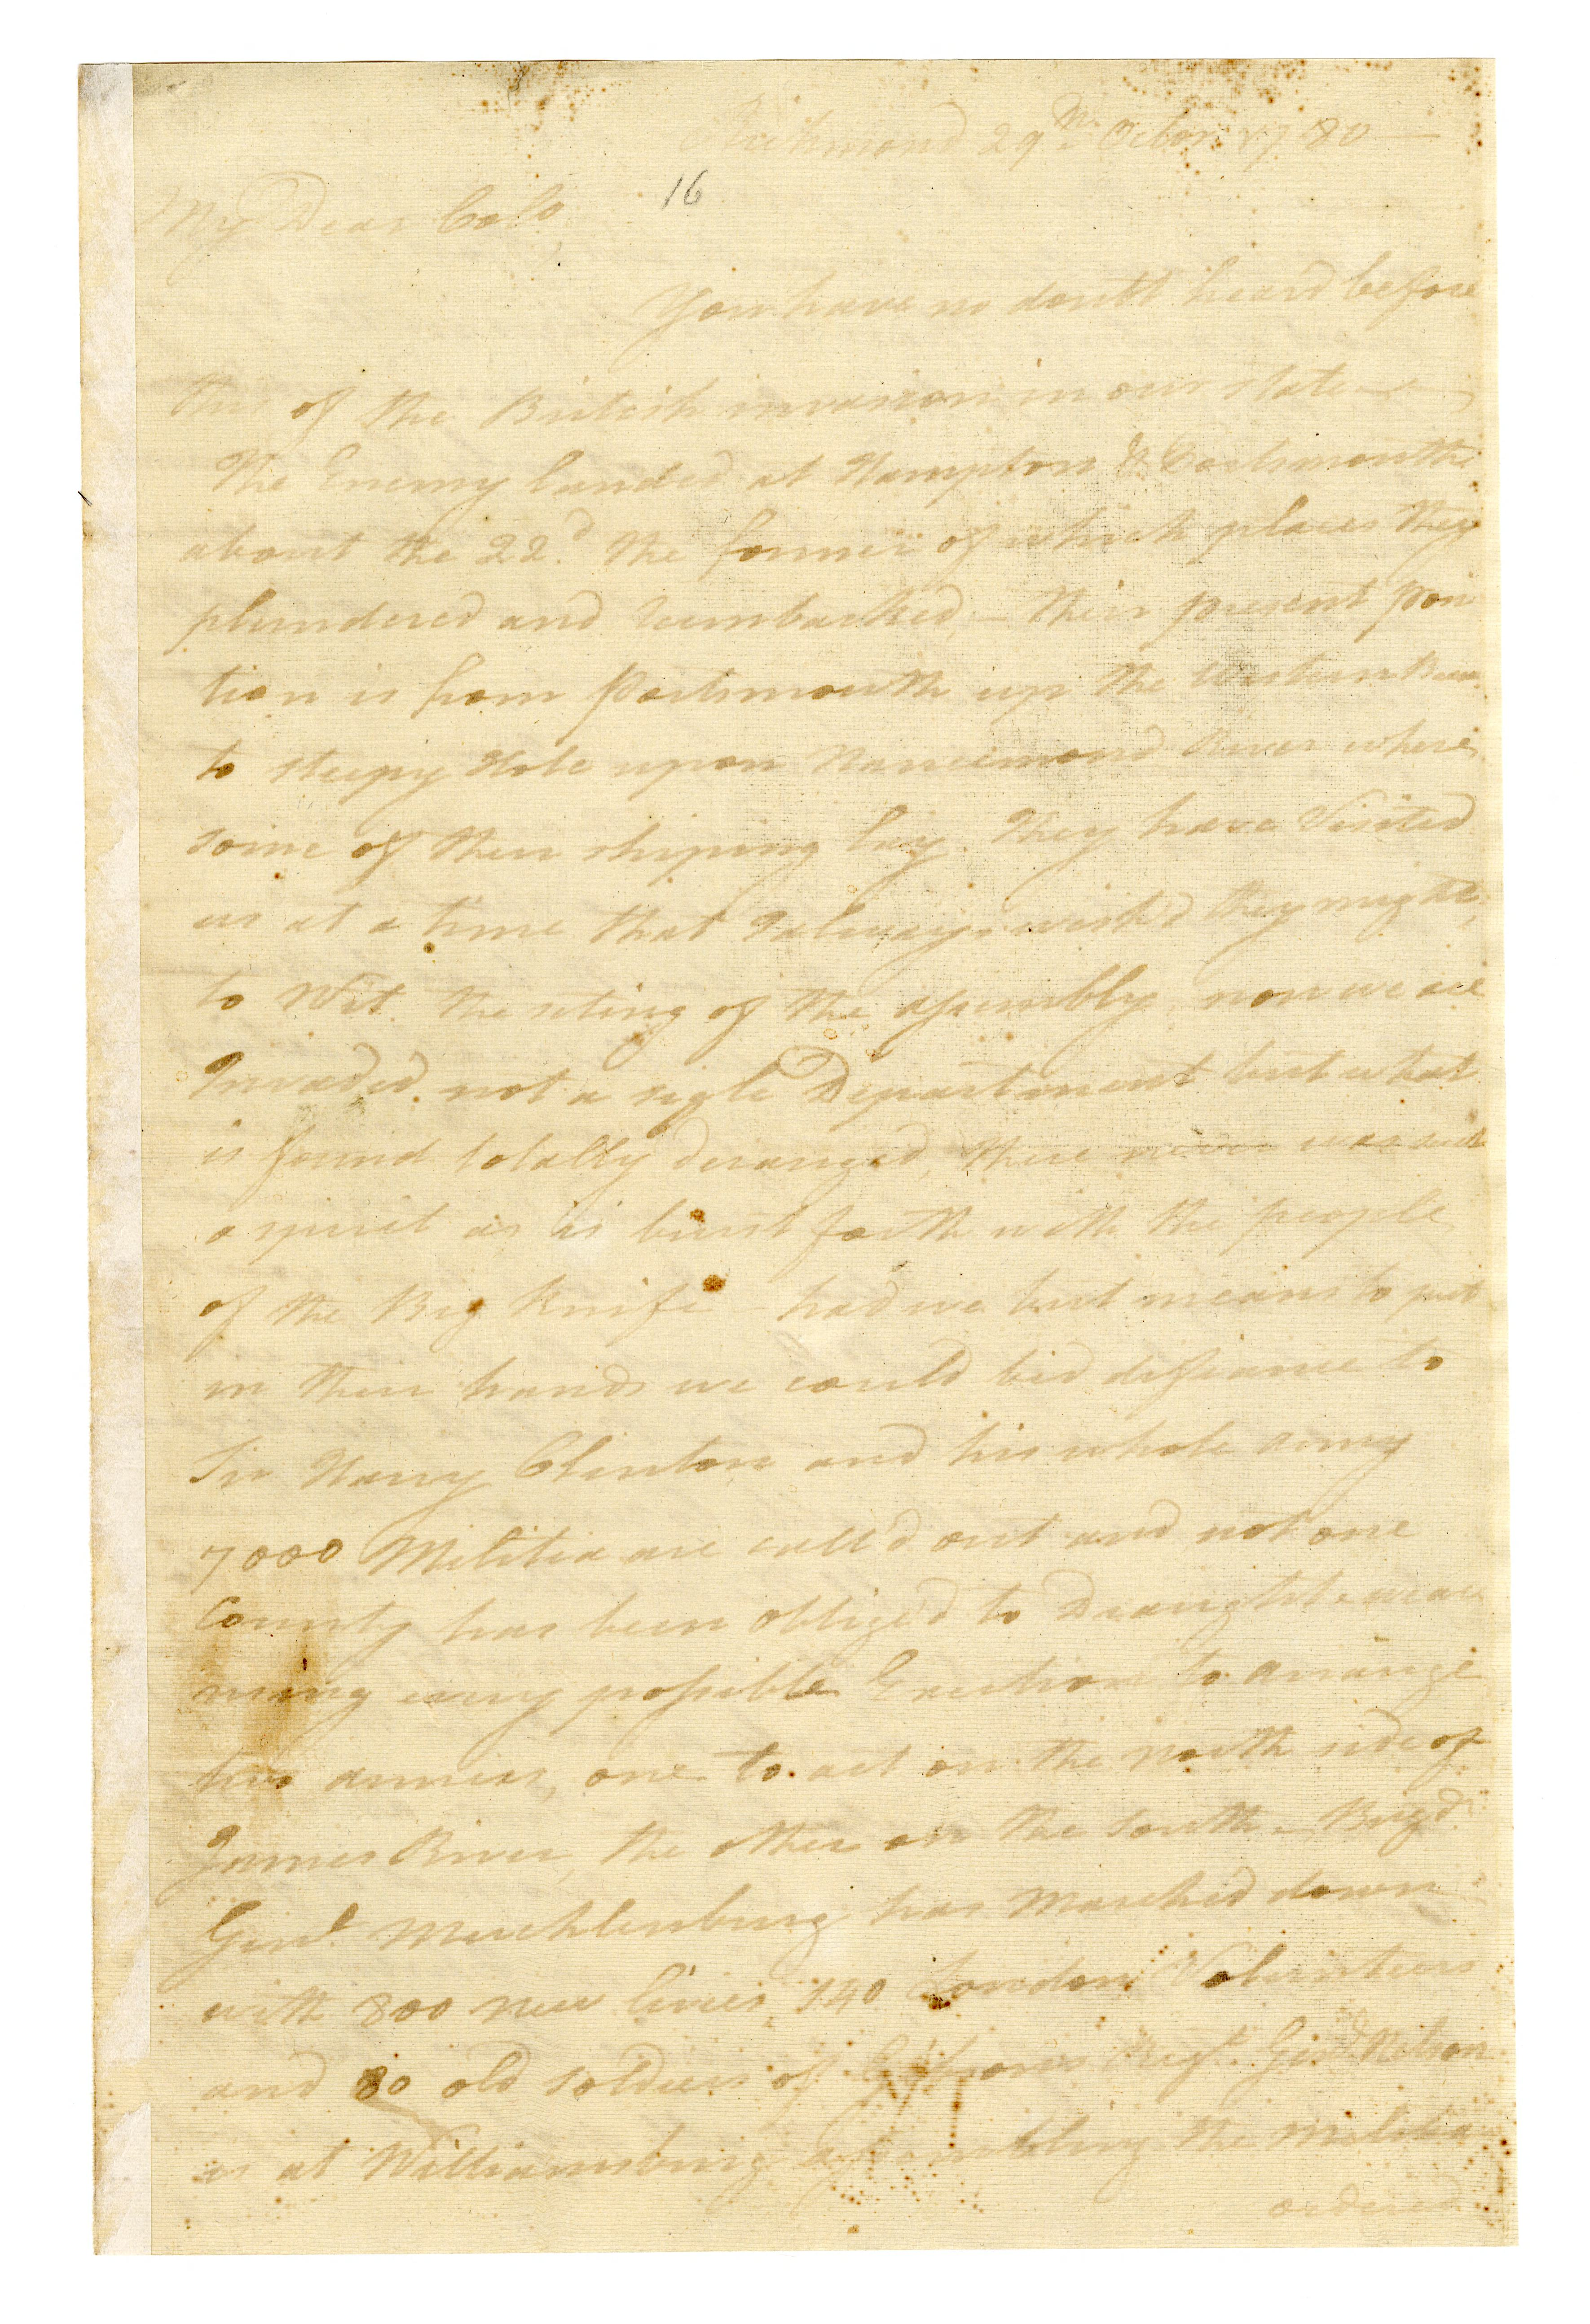Richmond 29^th. Octor 1780
My Dear Col^o
You have no doubt heard before
this of the British invasion in our state-
The Enemy landed at Hampton & Portsmouth
about the 22^d. the former of which places they
plundered and reimbarked- their present posi
tion is from portsmouth up the Western Bank
to sleepy Hole upon Nansimond River where
some of their shipping lay. They have Visited
us at a time that I always wish'd they might,
to Wit. the sitting of the assembly now we are
Invaded, not a sigle Department but what
is found totally deranged, there never was such
a spirit as is burst forth with the people
of the Big Knife. had we but means to put
in their hands we could bid defiance to
Sir Henry Clinton and his whole army
7000 Militia are call'd out and not one
County has been obliged to Draughte weak
ning every possible Erection to arrange
two armies, one to act on the north side of
James River, the other on the South. Brigd^r
Gen^l Muhlenburg has marched down
with 800 new livies 140 London Volunteers
and 80 old soldiers of Gibson's Reg^t. Gen^l. Nelson
is at Williamsburg assembling the militia
ordered